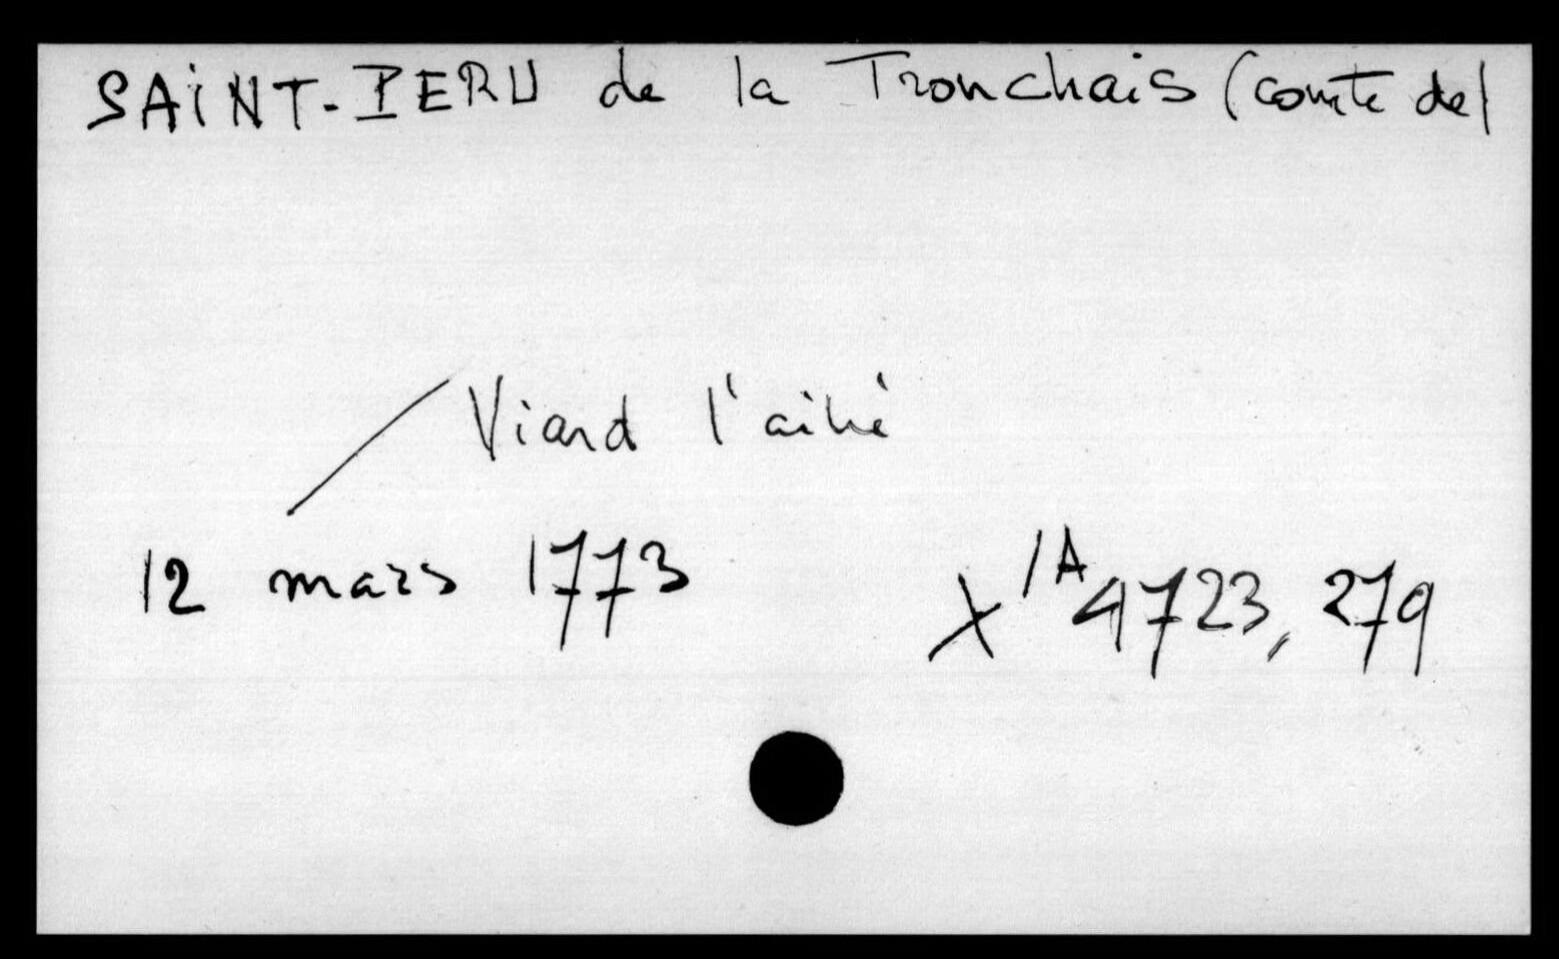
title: SAINT-PERU de la Tronchais (comte de)
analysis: Contre Viard l'aîné
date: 12 mars 1773
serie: X1A
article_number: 4723
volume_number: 279
